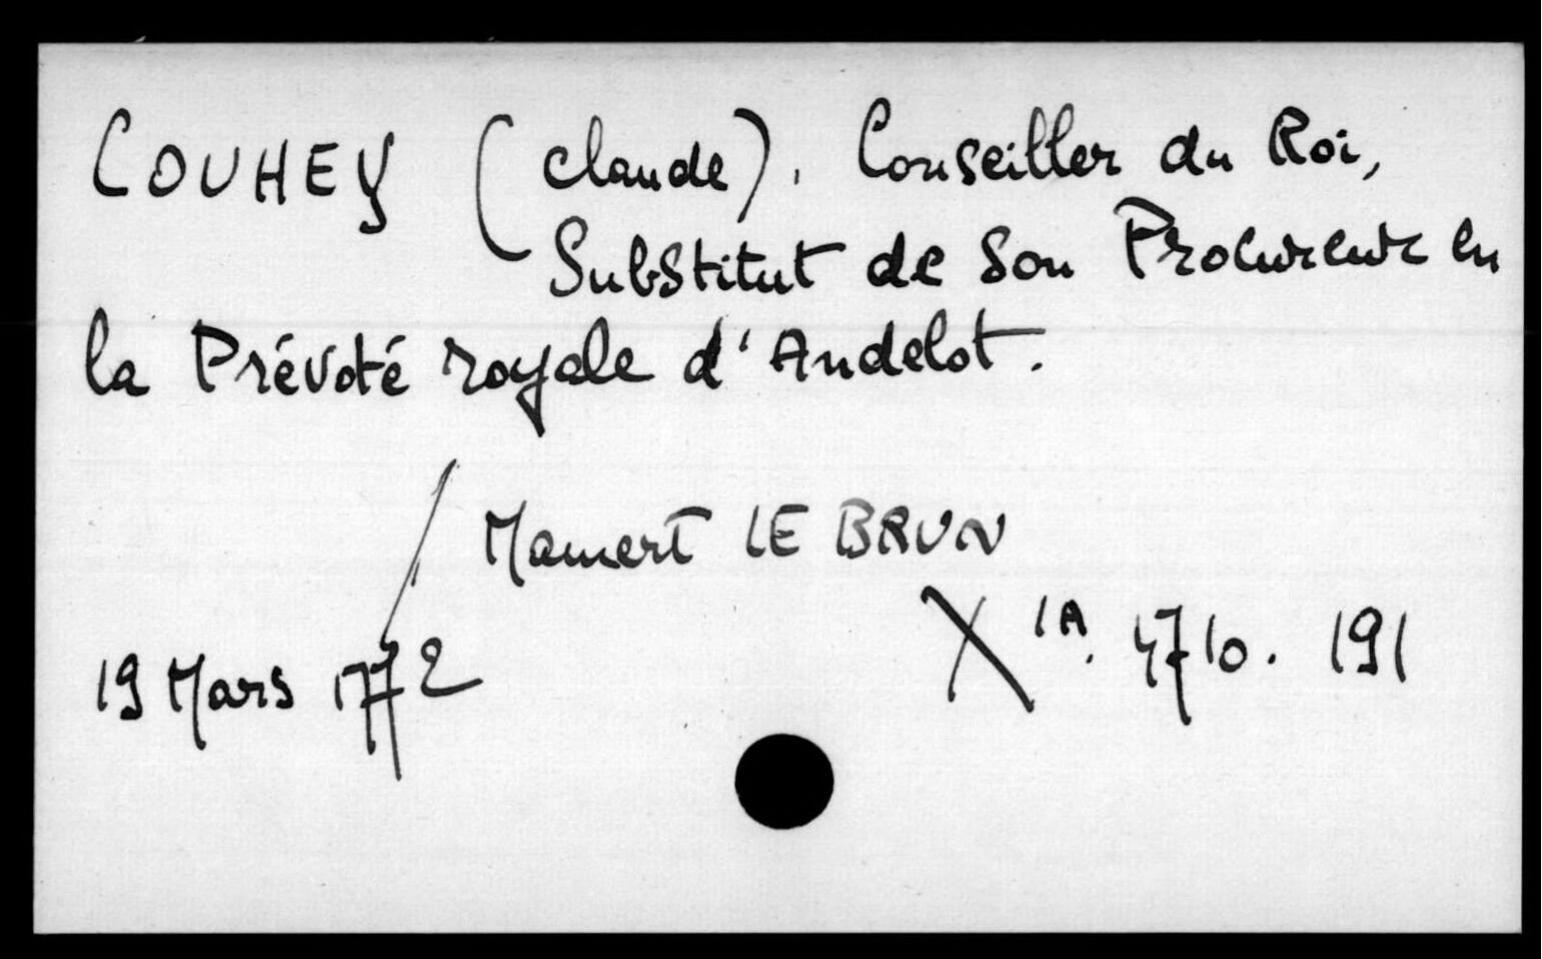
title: COUHEY (Claude), conseiller du Roi, substitut de son Procureur en la Prévôté royale d'Andelot
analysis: Contre Mamert LE BRUN
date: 19 mars 1772
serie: X1A
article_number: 4710
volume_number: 191
